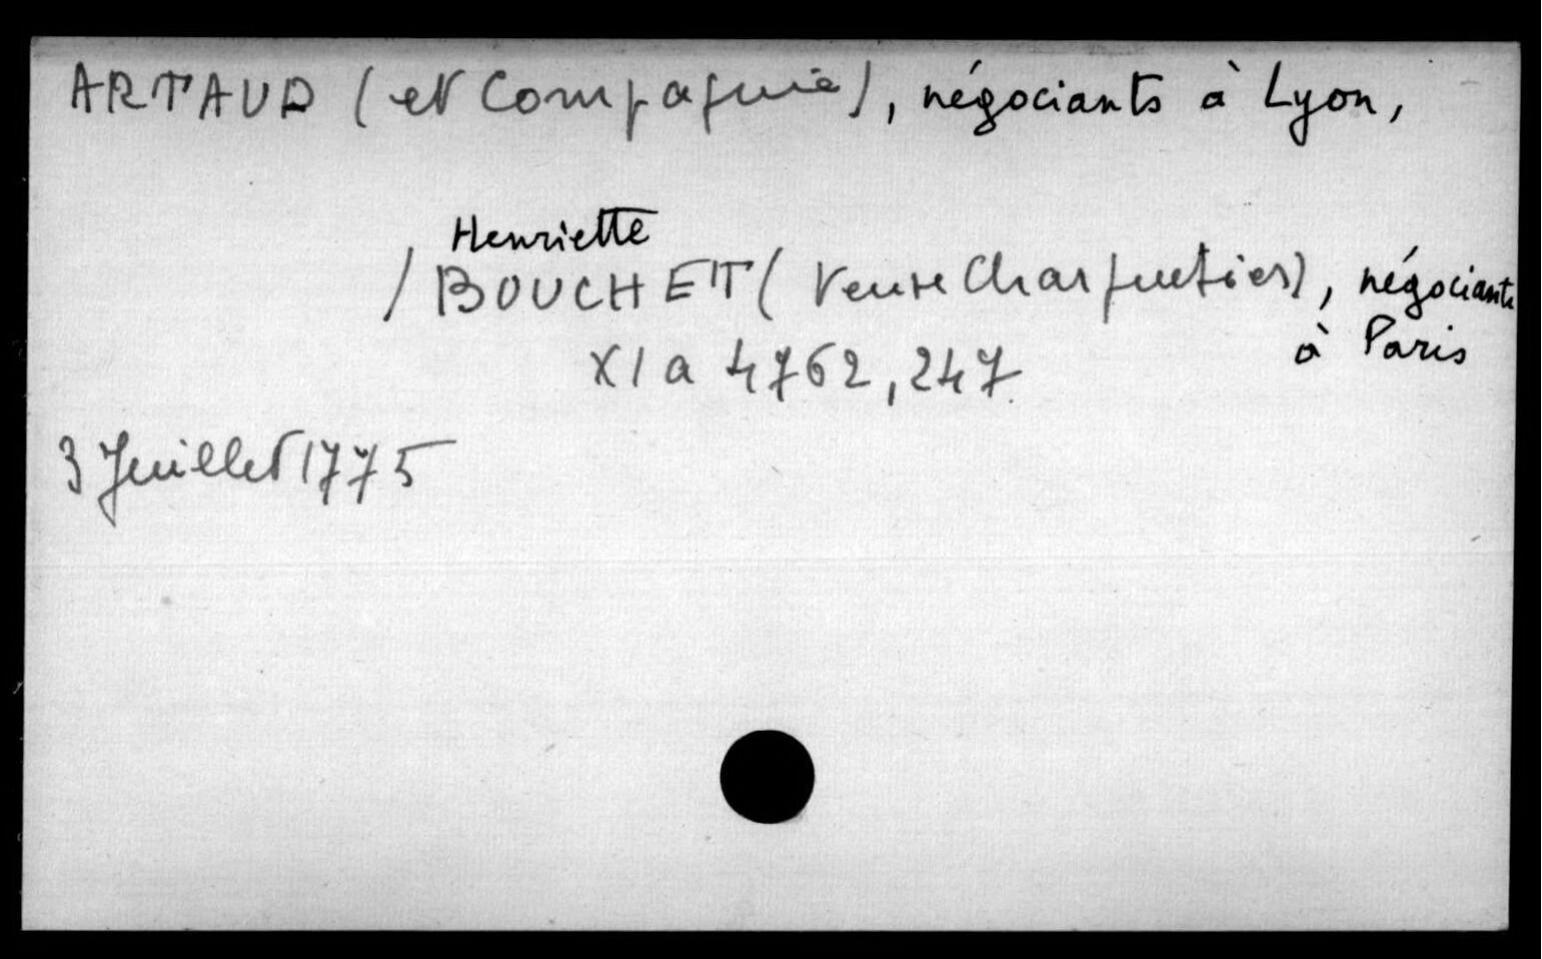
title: ARTAUD (et compagnie), négociants à Lyon,
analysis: Contre Henriette BOUCHET (veuve Charpentier), négociant à Paris
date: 3 juillet 1775
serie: X1a
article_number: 4762
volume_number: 247
